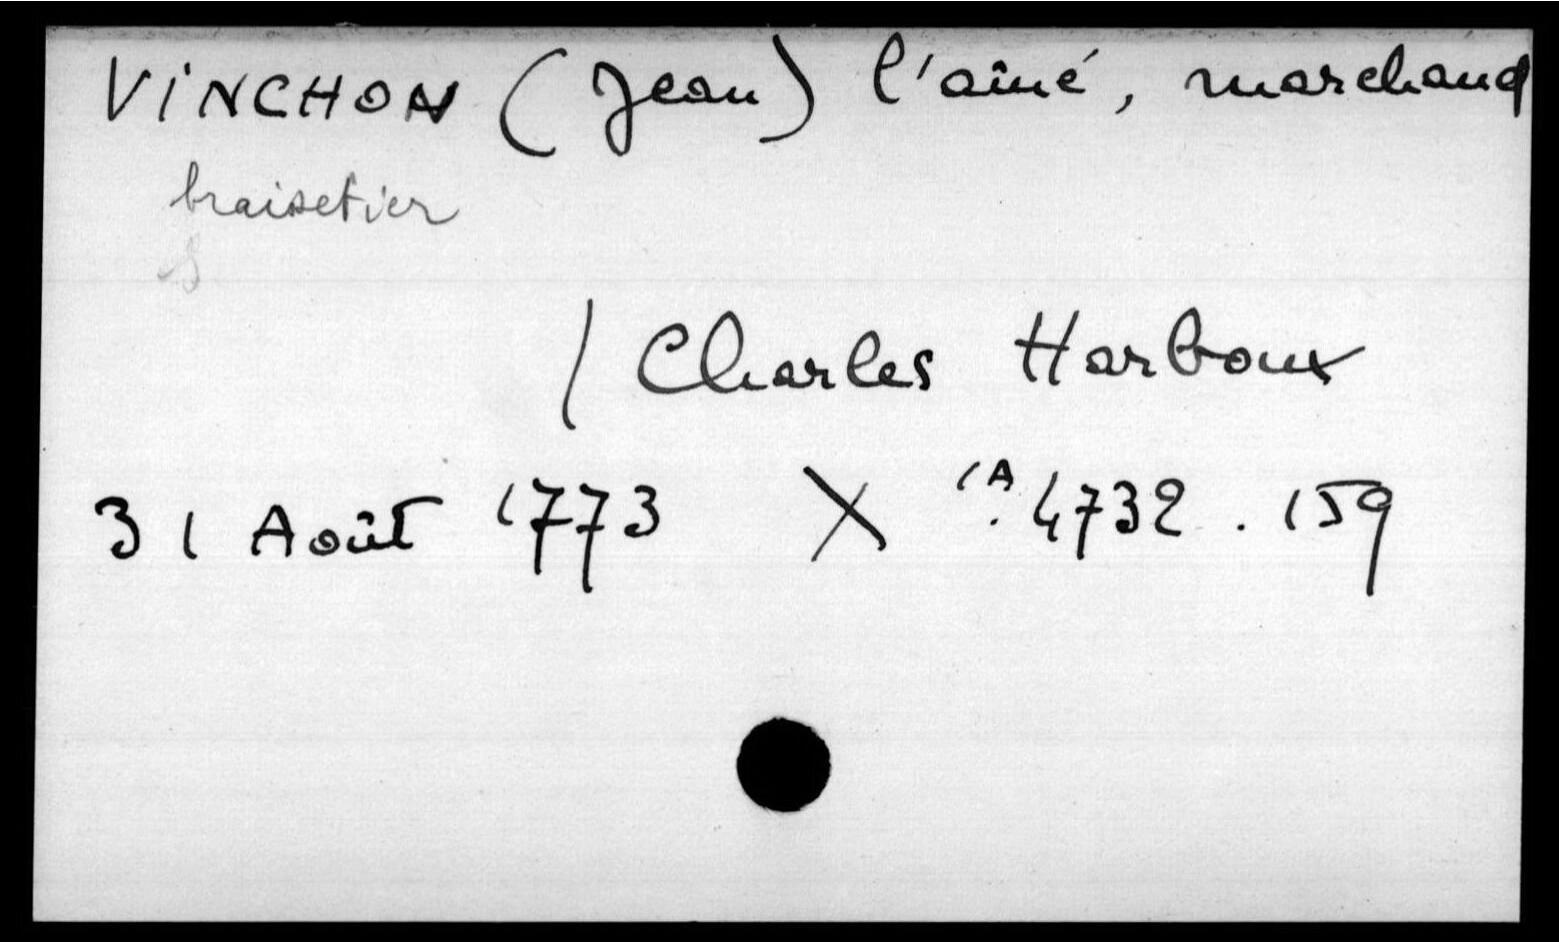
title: VINCHON (Jean) l'ainé, marchand braisetier
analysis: Contre Charles Harboux
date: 31 août 1773
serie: X1A
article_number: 4732
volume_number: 159
